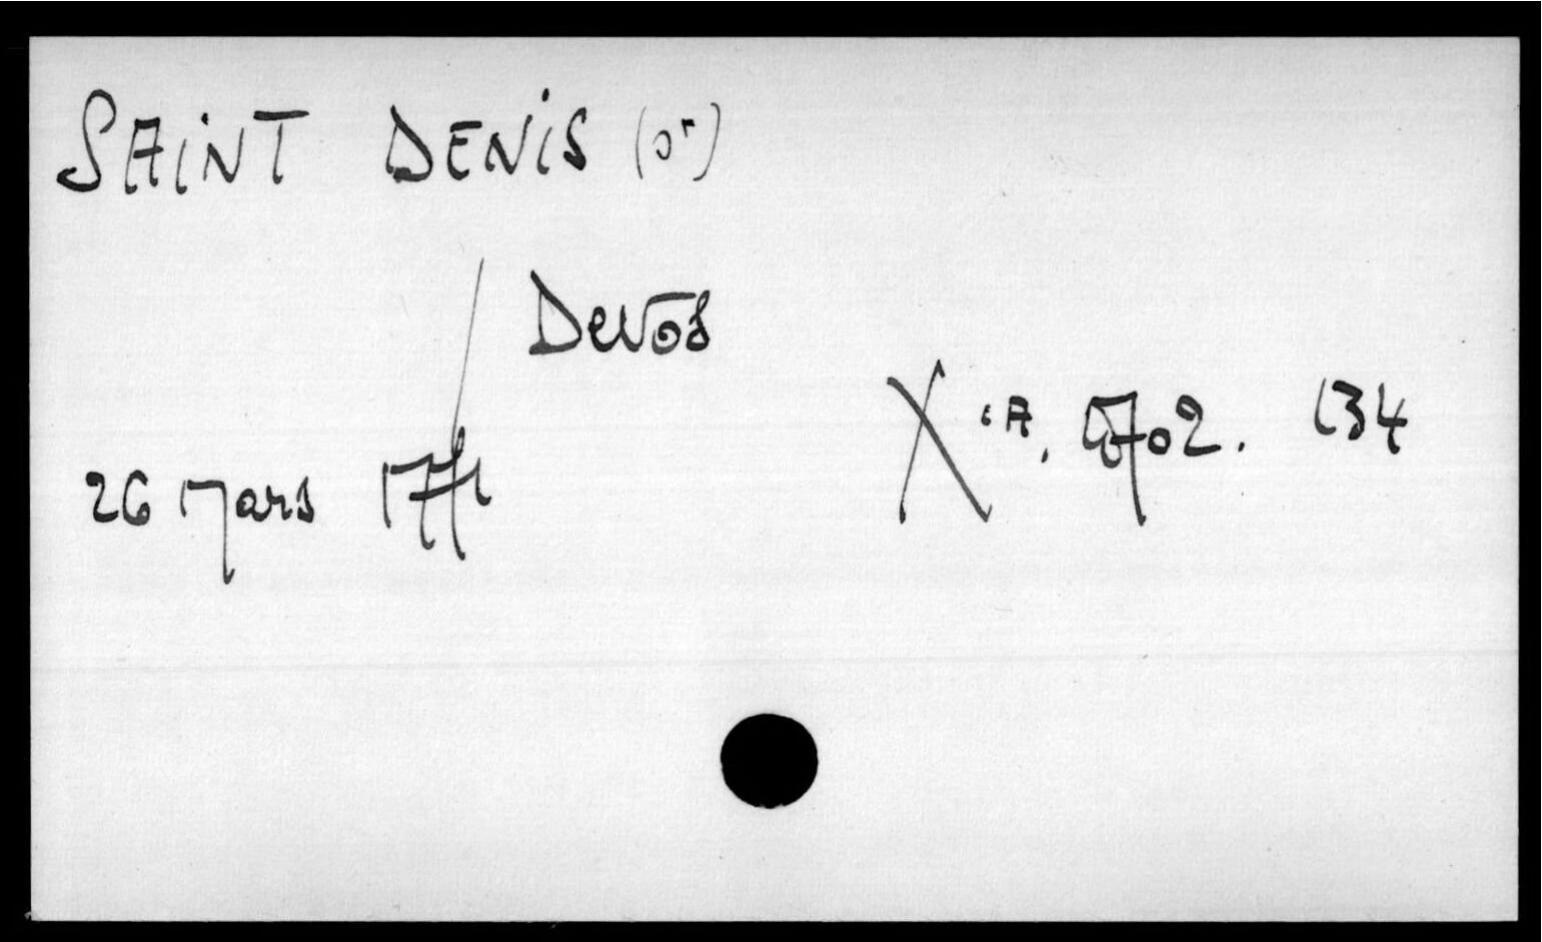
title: SAINT DENIS (sieur)
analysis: Contre Devos
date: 26 mars 1771
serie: X1A
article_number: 4702
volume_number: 134
